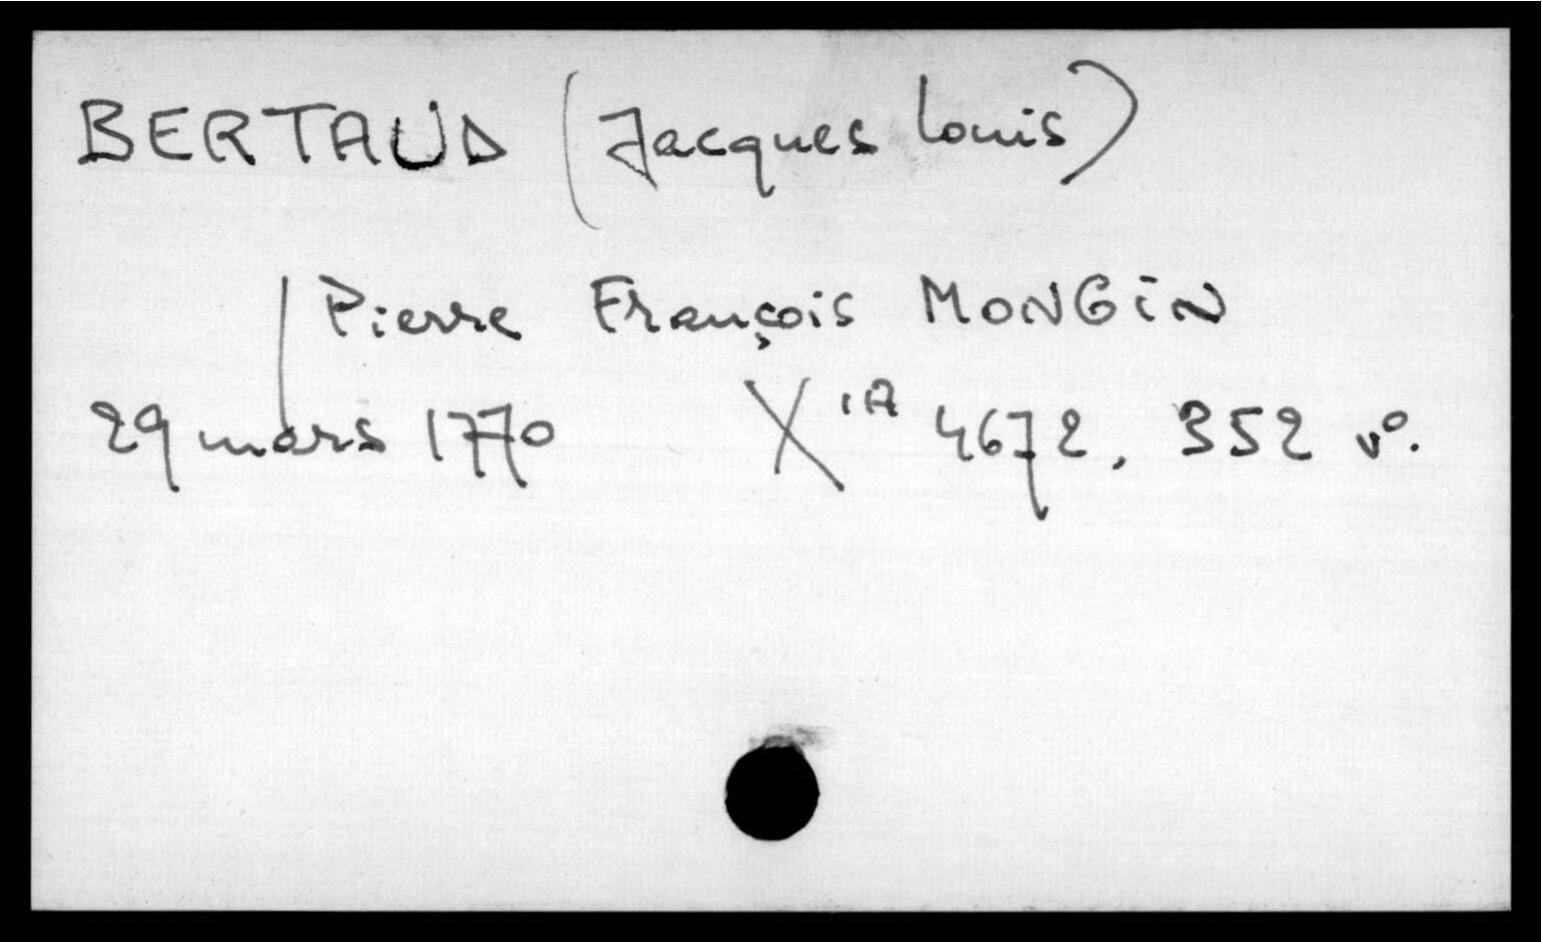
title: BERTAUD (Jacques Louis)
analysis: Contre Pierre François MONGIN
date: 29 mars 1770
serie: X1A
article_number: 4672
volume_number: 352v°
